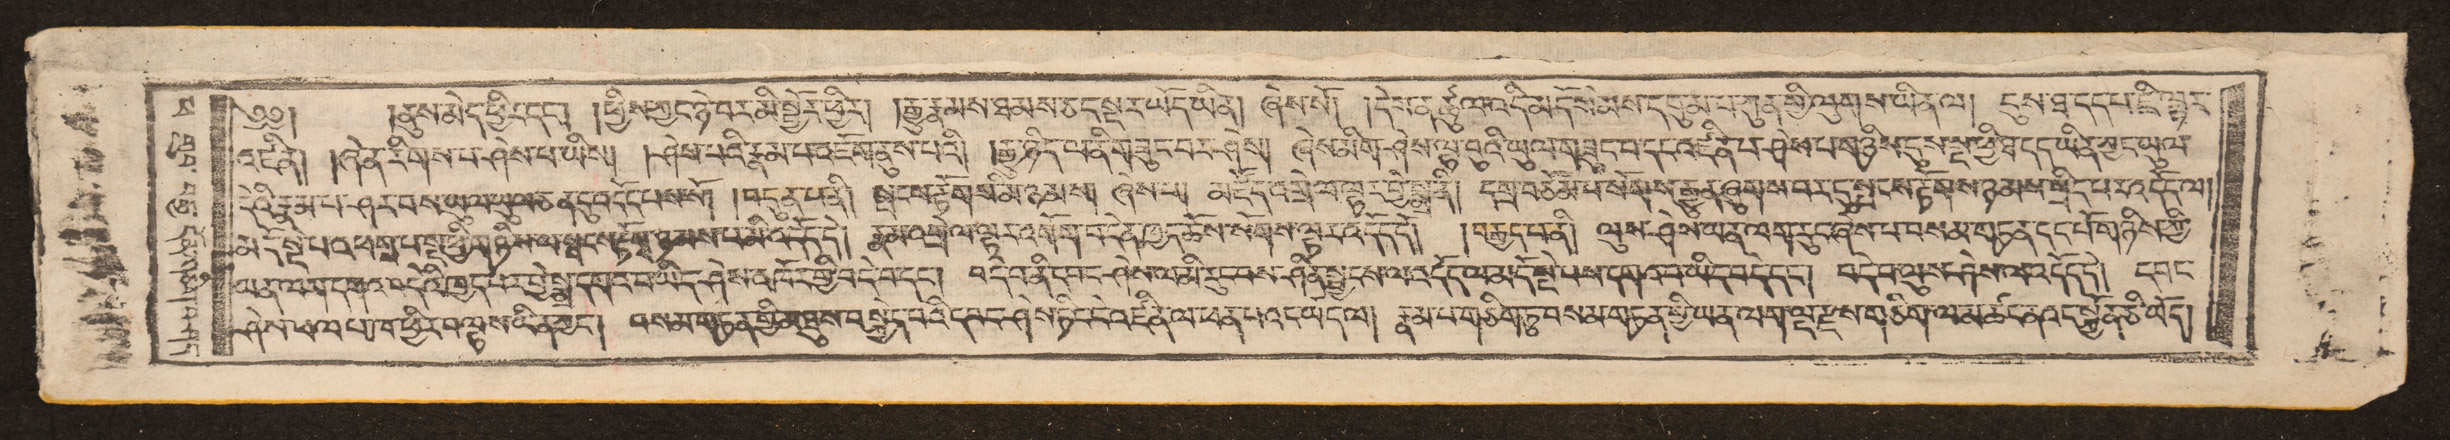༄༅། །ནུས་མེད་ཕྱིར་དང་། །ཕྱིས་ཀྱང་ཉེ་བར་མི་སྦྱོར་ཕྱིར། །རྒྱུ་རྣམས་ཐམས་ཅད་སྔར་ཡོད་ཡིན། ཞེས་སོ། །དེས་ན་ཚུལ་འདི་མདོ་སེམས་དབུ་མ་པ་ཀུན་གྱི་ལུགས་ཡིན་ལ། དུས་ཐ་དད་པ་ཇི་ལྟར་
འཛིན། །ཞེན་རིགས་པ་ཤེས་པ་ཡིས། །ཤེས་པའི་རྣམ་པ་འཇོག་ནུས་པའི། །རྒྱུ་ཉིད་ལ་ནི་གཟུང་བར་ཤེས། ཞེས་མིག་ཤེས་ལྟ་བུའི་ཡུལ་གཟུང་བ་དང་འཛིན་པ་ཤེས་པ་གཉིས་དུས་སྔ་ཕྱི་ཐ་དད་ཡིན་ཀྱང་ཡུལ་
དེའི་རྣམ་པ་ཤར་བས་ཡུལ་ཡུལ་ཅན་དུ་འདོད་པས་སོ། །བདུན་པ་ནི། སྤངས་རྟོགས་མི་ཉམས། ཞེས་པ། མཛོད་འགྲེལ་ལྟར་བྱེ་སྨ་ནི། དགྲ་བཅོམ་པ་སོགས་རྒྱུན་ཞུགས་པར་དུ་སྤངས་རྟོགས་ཉམས་སྲིད་པར་འདོད་ལ།
མདོ་སྡེ་པ་འཕགས་པ་སྔ་ཕྱི་གཉིས་ལ་སྤངས་རྟོགས་ཉམས་པ་མི་འདོད་དེ། རྣམ་འགྲེལ་ལྟར་འགོག་བདེན་ཁྱད་ཆོས་སོགས་ལྟར་འདོད་དོ། །བརྒྱད་པ་ནི། ལུས་ཤེས་ཡན་ལག་རུང་ཞེས་པ་བསམ་གཏན་དང་པོ་གཉིས་ཀྱི་
ཡན་ལག་དགའ་བདེའི་ཁྱད་པར་བྱེ་སྨྲ་དགའ་བ་ཡིད་ཤེས་འཁོར་གྱི་བདེ་བ་དང་། བདེ་བ་ནི་དབང་ཤེས་ལ་མི་རུང་བས་ཤིན་སྦྱངས་ལ་འདོད་ལ་མདོ་སྡེ་པས་དགའ་བ་ཡིད་བདེ་དང་། བདེ་བ་ལུས་ཤེས་ལ་འདོད་དེ། དབང་
ཤེས་ཕལ་པ་ཁ་ཕྱིར་བལྟས་ཡིན་ཀྱང་། བསམ་གཏན་གྱི་མཐུས་བསྐྱེད་པའི་དབང་ཤེས་ཏིང་ངེ་འཛིན་ལ་ཕན་པའང་ཡོད་ལ། རྣམ་པ་གཅིག་ཏུ་བསམ་གཏན་གྱི་ཡན་ལག་ལྔ་རྫས་གཅིག་ལ་མ་ཚང་ནའང་སྐྱོན་ཅི་ཡོད།